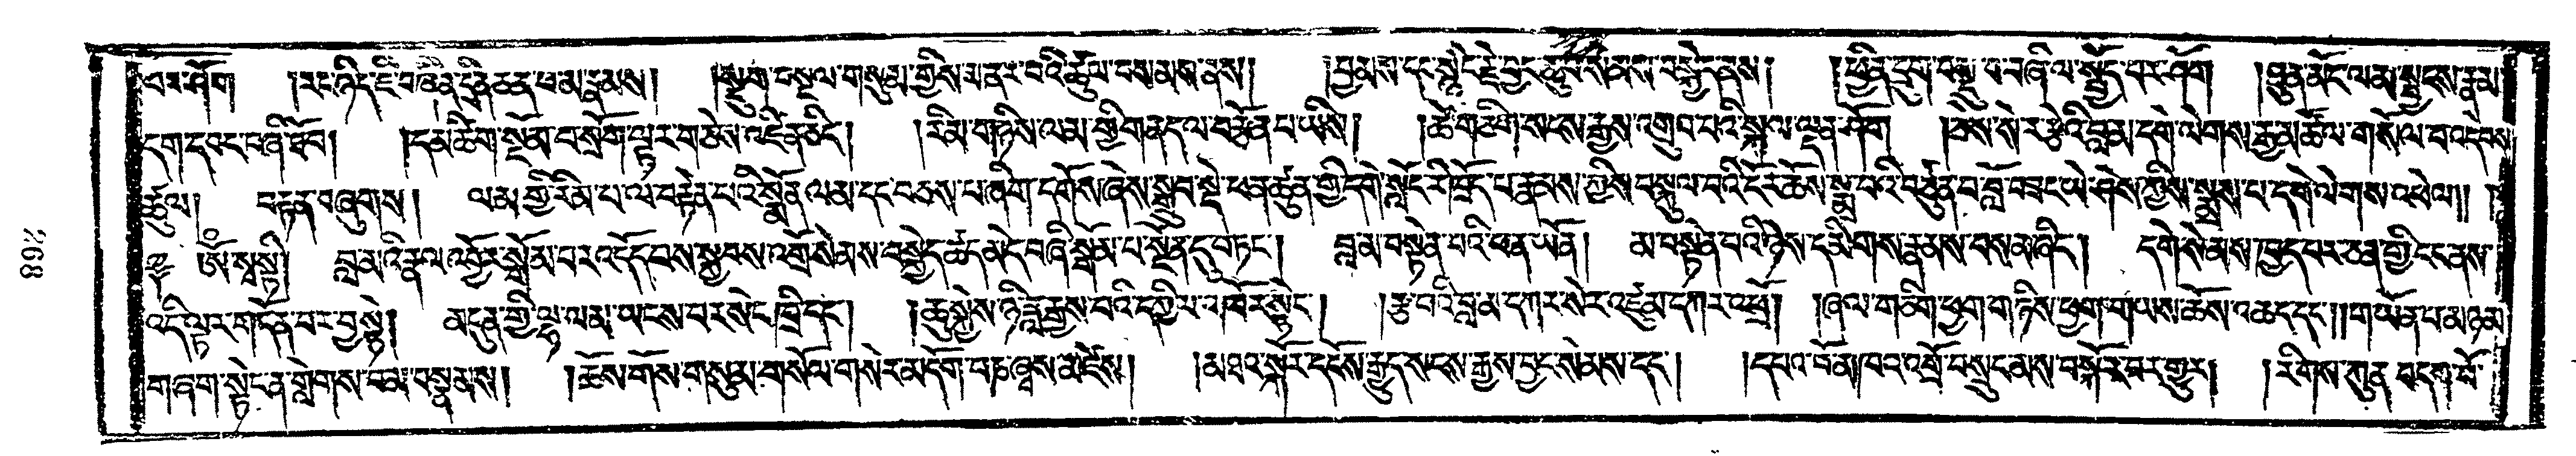པར་ཤོག །རང་ཉིད་ཇི་བཞིན་དྲིན་ཅན་ཕ་མ་རྣམས། །སྡུག་བསྔལ་གསུམ་གྱིས་མནར་བའི་ཚུལ་བསམས་ནས། །བྱམས་དང་སྙིང་རྗེ་བྱང་ཆུབ་སེམས་བསྐྱེད་ནས། །ཕྱིན་དྲུག་བསྡུ་བ་བཞི་ལ་སྤྱོད་པར་ཤོག །ཐུན་མོང་ལམ་སྦྱངས་རྣམ་
དག་དབང་བཞི་ཐོབ། །དམ་ཚིག་སྡོམ་བ་སྲོག་ལྟར་གཅེས་འཛིན་ཅིང་། །རིམ་གཉིས་ལམ་གྱི་གནད་ལ་བརྩོན་པ་ཡིས། །ཚེ་གཅིག་སངས་རྒྱས་འགྲུབ་པའི་སྐལ་ལྡན་ཤོག །ཅེས་སེ་ར་རྩེའི་བླ་མ་དགེ་ལེགས་རྒྱ་མཚོ་ལ་གསོལ་བ་འདེབས་
ཚུལ། བརྟན་བཞུགས། ལམ་གྱི་རིམ་པ་ལ་བརྟེན་པའི་སྨོན་ལམ་དང་བཅས་པ་ཞིག་དགོས་ཞེས་སྒྲུབ་སྡེ་ཕན་ཚུན་གྱི་དགེ་སློང་རི་ཁྲོད་པ་རྣམས་ཀྱིས་བསྐུལ་བའི་དོར་ཆོས་སྨྲ་བའི་བཙུན་པ་བློ་བཟང་ཡེ་ཤེས་ཀྱིས་སྨྲས་པ་དགེ་ལེགས་འཕེལ།། །
༈ ཨོཾ་སྭསྟི། བླ་མའི་རྣལ་འབྱོར་སྒོམ་པར་འདོད་པས་སྐྱབས་འགྲོ་སེམས་བསྐྱེད་ཚད་མེད་བཞི་སྒོམ་པ་སྔོན་དུ་བཏང་། བླ་མ་བསྟེན་པའི་ཕན་ཡོན། མ་བསྟེན་པའི་ཉེས་དམིགས་རྣམས་བསམ་ཞིང་། དགེ་སེམས་ཁྱད་པར་ཅན་གྱི་ངང་ནས་
འདི་ལྟར་གདོན་པར་བྱ་སྟེ། མདུན་གྱི་ལྷ་ལམ་ཡངས་པར་སེང་ཁྲི་དང་། །ཆུ་སྐྱེས་ཉི་ཟླ་རྒྱས་པའི་དཀྱིལ་འཁོར་སྟེང་། །རྩ་བའི་བླ་མ་དཀར་སེར་འཛུམ་དཀར་འཕྲོ། །ཞལ་གཅིག་ཕྱག་གཉིས་ཕྱག་གཡས་ཆོས་འཆད་དང་། །གཡོན་པ་མཉམ་
གཞག་སྟེང་ན་གླེགས་བམ་བསྣམས། །ཆོས་གོས་གསུམ་གསོལ་གསེར་མདོག་པཎ་ཞྭས་མཛེས། །མཐའ་སྐོར་དངོས་རྒྱུད་སངས་རྒྱས་བྱང་སེམས་དང་། །དཔའ་བོ་མཁའ་འགྲོ་བསྲུང་མས་བསྐོར་བར་གྱུར། །རིགས་ཀུན་བདག་པོ་